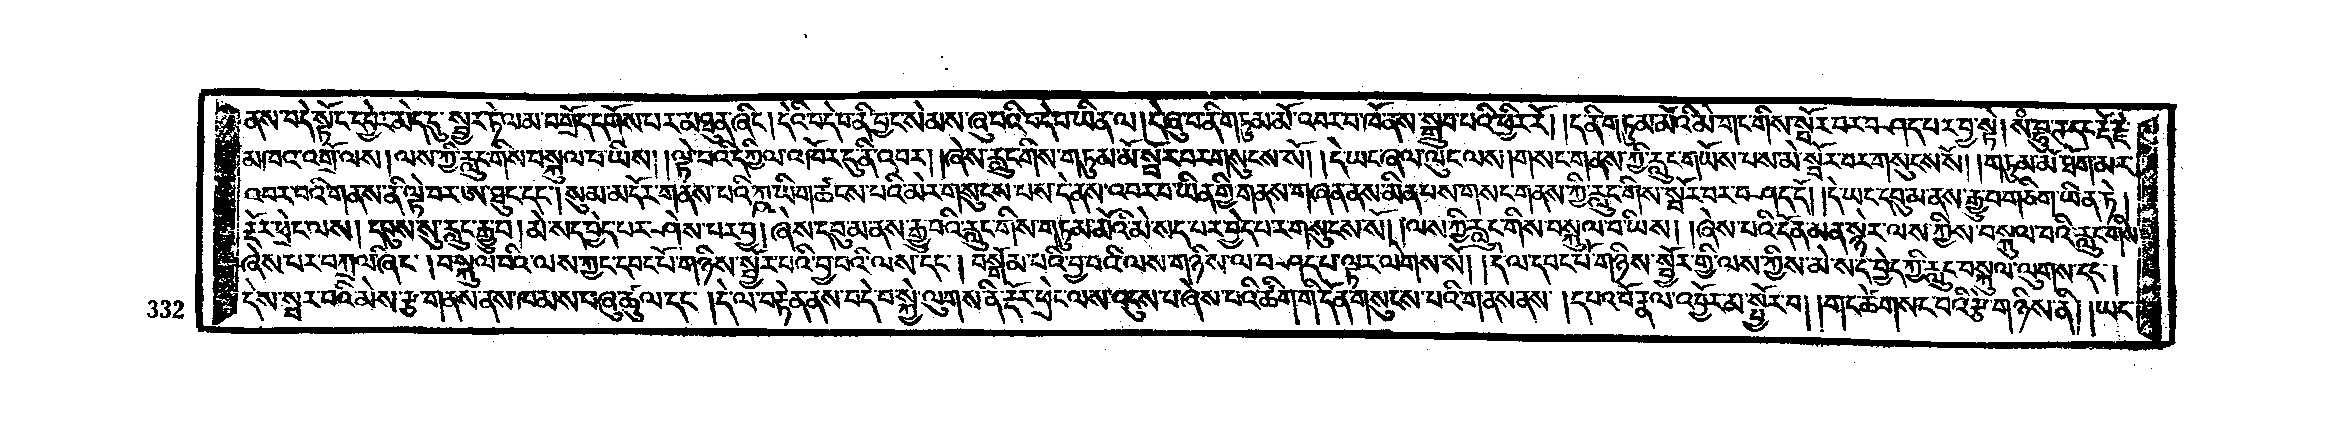ནས་བདེ་སྟོང་དབྱེར་མེད་དུ་སྦྱར་ཏེ་ལམ་བགྲོད་དགོས་པར་མཐུན་ཞིང་། དེའི་བདེ་བ་ནི་བྱང་སེམས་ཞུ་བའི་བདེ་བ་ཡིན་ལ། དེ་ཞུ་བ་ནི་གཏུམ་མོ་འབར་བ་ཁོ་ནས་སྒྲུབ་པའི་ཕྱིར་རོ། །ད་ནི་གཏུམ་མོའི་མེ་གང་གིས་སྦོར་བར་བཤད་པར་བྱ་སྟེ། སཾ་བྷུ་ཊ་དང་རྡོ་རྗེ་
མཁའ་འགྲོ་ལས། ལས་ཀྱི་རླུང་གིས་བསྐུལ་བ་ཡིས། །ལྟེ་བའི་དཀྱིལ་འཁོར་དུ་ནི་འབར། །ཞེས་རླུང་གིས་གཏུམ་མོ་སྦོར་བར་གསུངས་སོ། །དེ་ཡང་ཞལ་ལུང་ལས། གསང་གནས་ཀྱི་རླུང་གཡོས་པས་མེ་སྦོར་བར་གསུངས་སོ། །གཏུམ་མོ་ཐོག་མར་
འབར་བའི་གནས་ནི་ལྟེ་བར་ཨ་ཐུང་དང་། སུམ་མདོར་གནས་པའི་ཀྵ་ཡིག་ཚངས་པའི་མེར་གསུངས་པས་དེ་ནས་འབར་བ་ཡིན་གྱི་གནས་གཞན་ནས་མིན་པས་གསང་གནས་ཀྱི་རླུང་གིས་སྦོར་བར་བཤད་དོ། །དེ་ཡང་དབུ་མ་ནས་རྒྱུ་བ་གཅིག་ཡིན་ཏེ།
རྡོར་ཕྲེང་ལས། དབུས་སུ་རླུང་རྒྱུ་བ། མེ་སད་བྱེད་པར་ཤེས་པར་བྱ། ཞེས་དབུ་མ་ནས་རྒྱུ་བའི་རླུང་གིས་གཏུམ་མོའི་མེ་སད་པར་བྱེད་པར་གསུངས་སོ། །ལས་ཀྱི་རླུང་གིས་བསྐུལ་བ་ཡིས། །ཞེས་པའི་དོན་མན་སྙེར་ལས་ཀྱིས་བསྐུལ་བའི་རླུང་གིས་
ཞེས་པར་བཀྲལ་ཞིང་། བསྐུལ་བའི་ལས་ཀྱང་དབང་པོ་གཉིས་སྦྱོར་བའི་བྱ་བའི་ལས་དང་། བསྒོམ་པའི་བྱ་བའི་ལས་གཉིས་ལ་བཤད་པ་ལྟར་ལེགས་སོ། །དེ་ལ་དབང་པོ་གཉིས་སྦྱོར་གྱི་ལས་ཀྱིས་མེ་སད་བྱེད་ཀྱི་རླུང་བསྐུལ་ལུགས་དང་།
དེས་སྦར་བའི་མེས་རྩ་གནས་ནས་ཁམས་བཞུ་ཚུལ་དང་། དེ་ལ་བརྟེན་ནས་བདེ་བ་སྐྱེ་ལུགས་ནི་རྡོར་ཕྲེང་ལས་འདུས་པ་ཞེས་པའི་ཚིག་གི་དོན་གསུངས་པའི་གནས་ནས། དཔའ་བོ་རྣལ་འབྱོར་མ་སྦྱོར་བ། །གང་ཚེ་གསང་བའི་རྩེ་གཉིས་ནི། །ཡང་